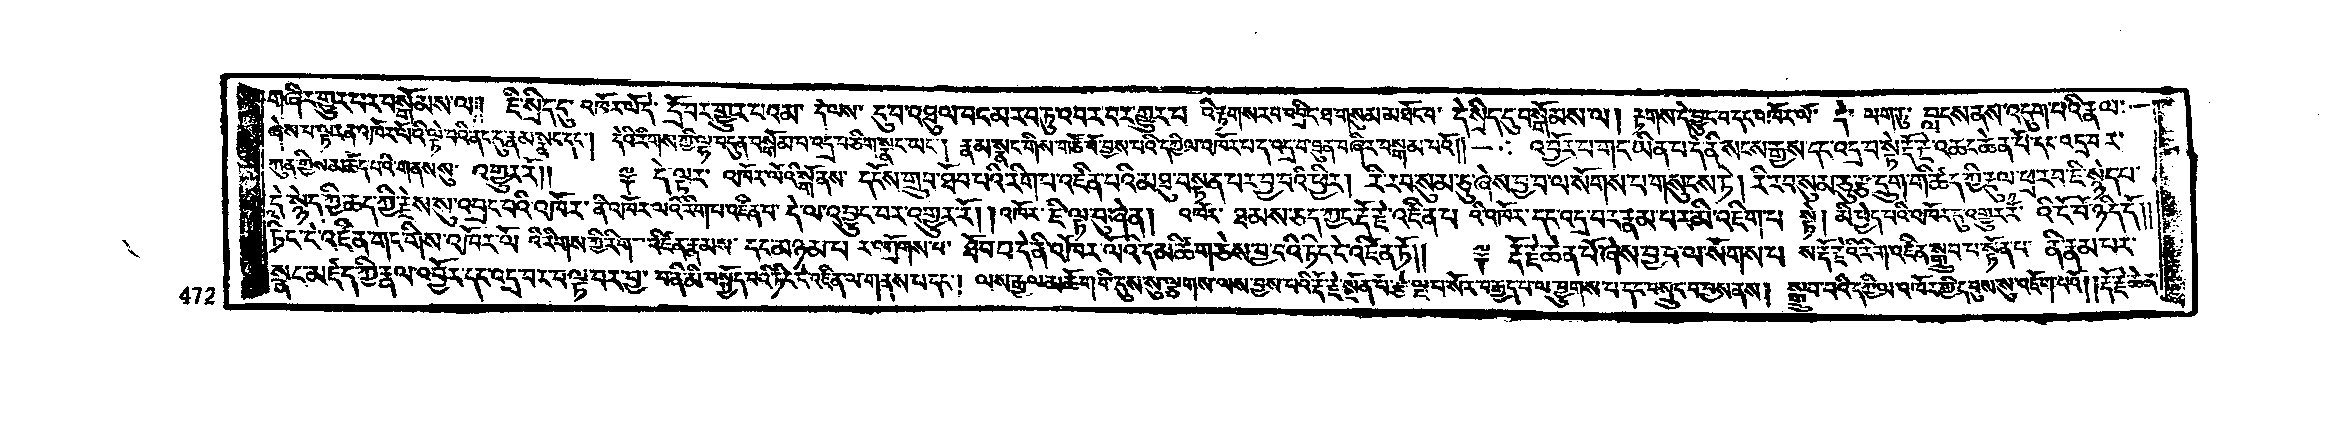གཞིར་གྱུར་པར་བསྒོམས་ལ། ཇི་སྲིད་དུ་འཁོར་ལོ་དེ་དྲོ་བར་གྱུར་པའམ་དེ་ལས་དུ་བ་འཐུལ་བའམ་རབ་ཏུ་འབར་བར་གྱུར་པའི་རྟགས་རབ་འབྲིང་ཐ་གསུམ་མཐོང་བ་དེ་སྲིད་དུ་བསྒོམས་ལ། རྟགས་དེ་བྱུང་བ་དང་འཁོར་ལོ་དེ་ལག་ཏུ་བླངས་ནས་འདུག་པའི་རྣལཿ
ཞེས་པ་ལྟར་ན་འཁོར་ལོའི་ལྟེ་བའི་ནང་དུ་རྣམ་སྣང་དང་། དེའི་རིགས་ཀྱི་ལྷ་བདུན་བསྒོམས་པ་འདྲ་བ་ཅིག་སྣང་ཡང་། རྣམ་སྣང་གིས་གཙོ་བོ་བྱས་པའི་དཀྱིལ་འཁོར་བ་ད་འདྲ་བ་ཐུན་བཞིར་བསྒོམ་པའོ།།.H འབྱོར་པ་གང་ཡིན་པ་དེ་ནི་སངས་རྒྱས་དང་འདྲ་བ་སྟེ་རྡོ་རྗེ་འཆང་ཆེན་པོ་དང་འདྲ་བར་
ཀུན་གྱིས་མཆོད་པའི་གནས་སུ་འགྱུར་རོ།། ༈ དེ་ལྟར་འཁོར་ལོའི་སྒོ་ནས་དངོས་གྲུབ་ཐོབ་པའི་རིག་པ་འཛིན་པའི་མཐུ་བསྟན་པར་བྱ་བའི་ཕྱིར། རེ་རབ་སུམ་ཅུ་ཞེས་བྱ་བ་ལ་སོགས་པ་གསུངས་ཏེ། རི་རབ་སུམ་ཅུ་རྩ་དྲུག་གི་ཚད་ཀྱི་རྡུལ་ཕྲ་རབ་ཇི་སྙེད་པ་
དེ་སྙེད་ཀྱི་ཆད་ཀྱི་རྗེས་སུ་འབྲང་བའི་འཁོར་ནི་འཁོར་ལའི་རིག་པ་འཛིན་པ་དེ་ལ་འབྱུང་བར་འགྱུར་རོ། །འཁོར་ཇི་ལྟ་བུ་ཞེ་ན། འཁོར་ཐམས་ཅད་ཀྱང་རྡོ་རྗེ་འཛིན་པའི་འཁོར་དང་འདྲ་བར་རྣམ་པར་མི་འཇིག་པ་སྟེ། མི་ཕྱེད་པའི་འཁོར་དུ་འགྱུར་རོ ༡་འི་ངོ་བོ་ཉིད་དོ།།
ཏིང་ངེ་འཛིན་གང་གིས་འཁོར་ལོའི་རིགས་ཀྱི་རིག་འཛིན་རྣམས་དང་མཉམ་པར་འགྲོགས་པ་ཐོབ་པ་དེ་ནི་འཁོར་ལོའི་དམ་ཚིག་ཅེས་བྱ་བའི་ཏིང་ངེ་འཛིན་ཏོ།། ༈ རྡོ་རྗེ་ཆེན་པོ་ཞེས་བྱ་བ་ལ་སོགས་པས་རྡོ་རྗེའི་རིག་འཛིན་སྒྲུབ་པ་སྟོན་པ་ནི་རྣམ་པར་
སྣང་མཛད་ཀྱི་རྣལ་འབྱོར་དང་འདྲ་བར་བལྟ་བར་བྱ་བ་ནི་མི་བསྐྱོད་པའི་ཏིང་ངེ་འཛིན་ལ་གནས་པ་དང་། ལས་རྒྱལ་མཆོག་གི་དུས་སུ་ལྕགས་ལས་བྱས་པའི་རྡོ་རྗེ་སྔོན་པོ་རྩེ་ལྔ་པ་སོར་བརྒྱད་པ་ལ་གྱུགས་པ་དང་བསྲུང་བ་བྱས་ནས། སྒྲུབ་པའི་དཀྱིལ་འཁོར་གྱི་དབུས་སུ་འཇོག་པའོ། །རྡོ་རྗེ་ཆེན་